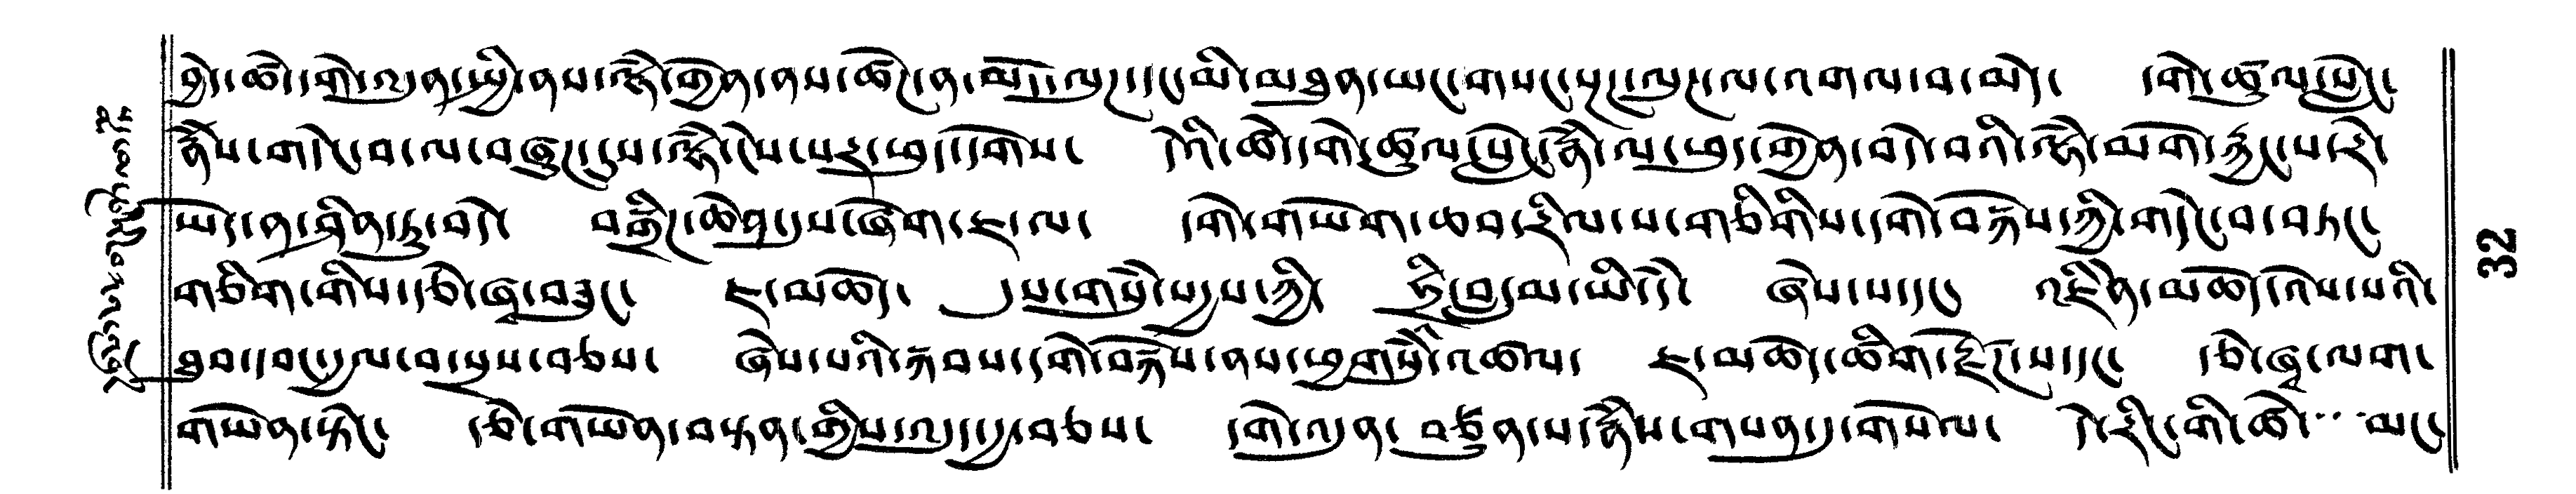བྱེད་ཚེ་དགེ་འདུན་སྤྱི་ནས་ལྷམ་གྱོན་ནས་ཚོགས་ན་མདོ་ལུགས་དང་མི་མཐུན་ཡང་གསང་སྔགས་ལུགས་ལ་འགལ་བ་མེད། དགེ་ཚུལ་སློང་
རྣམས་གདིང་བ་ལ་བཞུགས་དུས་ལྷམ་ངེས་པར་ཏུ་ཕུད་དགོས། དེའི་ཚེ་དགེ་ཚུལ་སློང་རྣམས་ལ་ཕུད་གྱོན་བདེ་བའི་ལྷམ་མགོ་རྐྱང་པ་རེ་
ཡོད་ན་ཤིན་ཏུ་བདེ། བསྒྲིགས་ཆེན་དུས་ཞོག་ཇ་ལ། དགེ་གཡོག་ཆབ་རིལ་པ་གཅིག་གིས་དགེ་བསྐོས་ཀྱི་གདིང་བ་བཏིང་། 
གཅིག་གིས་རྩེ་ཞྭ་བཟུང་། ཇ་མཆོད། དུས་གསུམ་སངས་རྒྱས་ཀྱི། ཧྲཱིཿབླ་མ་ཡི་དམ། ཞེས་པ་དང་། འཇིག་རྟེན་མཆོད་འོས་པའི་
ཐུབ་དབང་རྒྱལ་བ་སྲས་བཅས། ཞེས་པའི་སྐབས་དགེ་བསྐོས་ནས་ཕྱག་གསུམ་འཚལ། ཇ་མཆོད་ཚིག་རྫོགས་པ་དང་། རྩེ་ཞྭ་ལག་
གཡོན་སྟེང་། རྩེ་གཡོན་བསྟན་གྱིས་འདུད་རྒྱ་བཅས། དགེ་འདུན་བཙུན་པ་རྣམས་གསན་དུ་གསོལ།དེ་རིང་གི་ཚེ་མང་